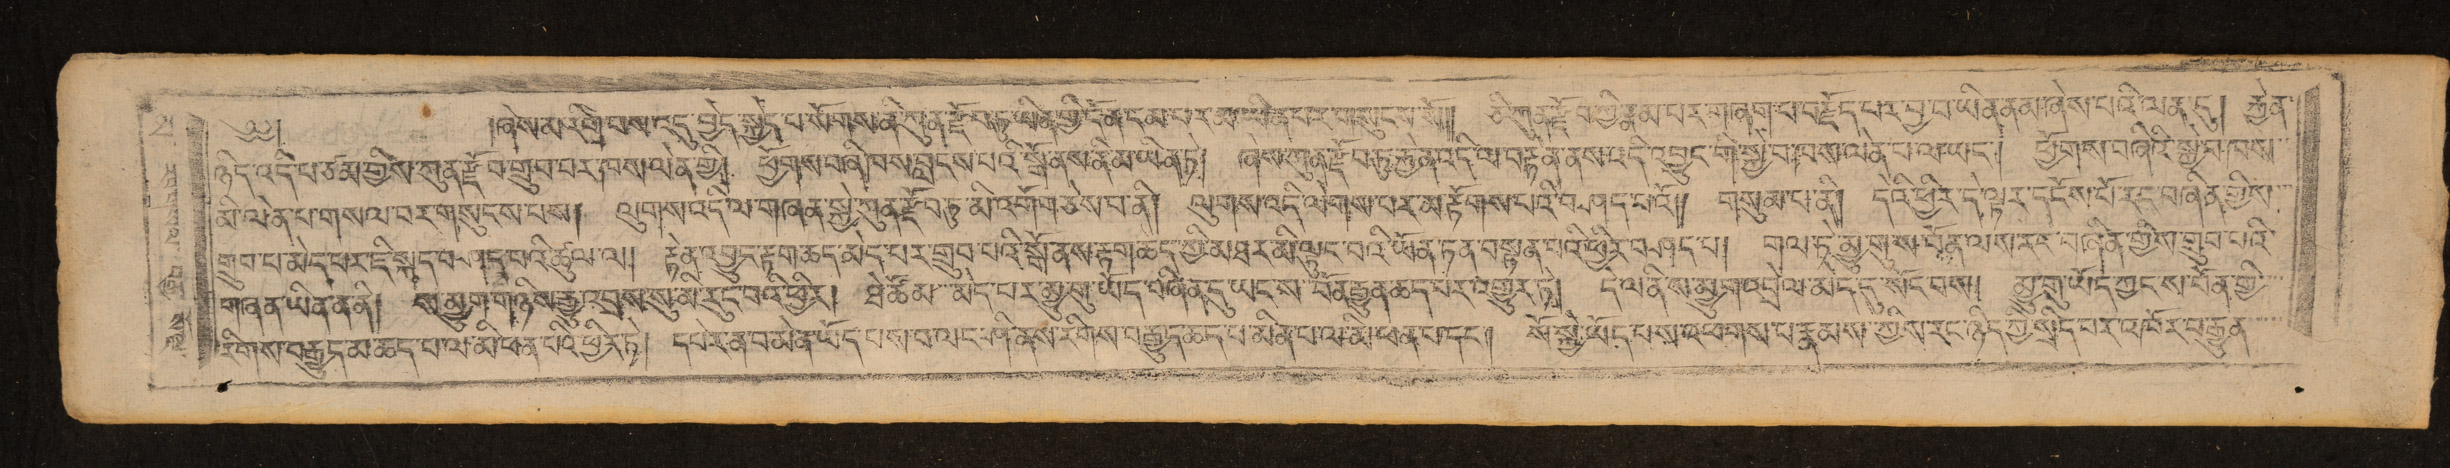༄༅། །ཞེས་མ་རིག་པས་འདུ་བྱེད་སྐྱེད་པ་སོགས་ནི་ཀུན་རྫོབ་ཏུ་ཡིན་གྱི་དོན་དམ་པར་མ་ཡིན་པར་གསུངས་སོ།། ཅི་ཀུན་རྫོབ་ཀྱི་རྣམ་པར་གཞག་པ་བརྗོད་པར་བྱ་བ་ཡིན་ནམ་ཞེས་པའི་ལན་དུ། རྐྱེན་
ཉིད་འདི་པ་ཙམ་གྱིས་ཀུན་རྫོབ་གྲུབ་པར་ཁས་ལེན་གྱི། ཕྱོགས་བཞི་ཁས་བླངས་པའི་སྒོ་ནས་ནི་མ་ཡིན་ཏེ། ཞེས་ཀུན་རྫོབ་ཏུ་རྐྱེན་འདི་ལ་བརྟེན་ནས་འདི་འབྱུང་གི་སྐྱེ་བ་ཁས་ལེན་པ་ལ་ཡང་། ཕྱོགས་བཞིའི་སྐྱེ་བ་ཁས་
མི་ལེན་པ་གསལ་བར་གསུངས་པས། ལུགས་འདི་ལ་གཞན་སྐྱེ་ཀུན་རྫོབ་ཏུ་མི་འགོག་ཅེས་པ་ནི། ལུགས་འདི་ལེགས་པར་མ་རྟོགས་པའི་བཤད་པའོ།། གསུམ་པ་ནི། དེའི་ཕྱིར་དེ་ལྟར་དངོས་པོ་རང་བཞིན་གྱིས་
གྲུབ་པ་མེད་པར་ཇི་སྐད་བཤད་པའི་ཚུལ་ལ། རྟེན་འབྱུང་རྟག་ཆད་མེད་པར་གྲུབ་པའི་སྒོ་ནས་རྟག་ཆད་ཀྱི་མཐར་མི་ལྟུང་བའི་ཡོན་ཏན་བསྟན་པའི་ཕྱིར་བཤད་པ། གལ་ཏེ་མྱུ་གུ་ས་བོན་ལས་རང་བཞིན་གྱིས་གྲུབ་པའི་
གཞན་ཡིན་ན་ནི། ས་མྱུག་གཉིས་རྒྱུ་འབྲས་སུ་མི་རུང་བའི་ཕྱིར། ཐེ་ཚོམ་མེད་པར་མྱུ་གུ་ཡོད་བཞིན་དུ་ཡང་ས་བོན་རྒྱུན་ཆད་པར་འགྱུར་ཏེ། དེ་ལ་ནི་ས་མྱུག་འབྲེལ་མེད་དུ་སོང་བས། མྱུ་གུ་ཡོད་ཀྱང་ས་བོན་གྱི་
རིགས་བརྒྱུད་མ་ཆད་པ་ལ་མི་ཕན་པའི་ཕྱིར་ཏེ། དཔེར་ན་བ་མིན་ཡོད་པས་བ་ལང་ཤི་ནས་རིགས་བརྒྱུད་ཆད་པ་མིན་པ་ལ་མི་ཕན་པ་དང་། སོ་སྐྱེ་ཡོད་པས་འཕགས་པ་རྣམས་ཀྱིས་རང་ཉིད་ཀྱི་སྲིད་པར་འཁོར་བ་རྒྱུན་